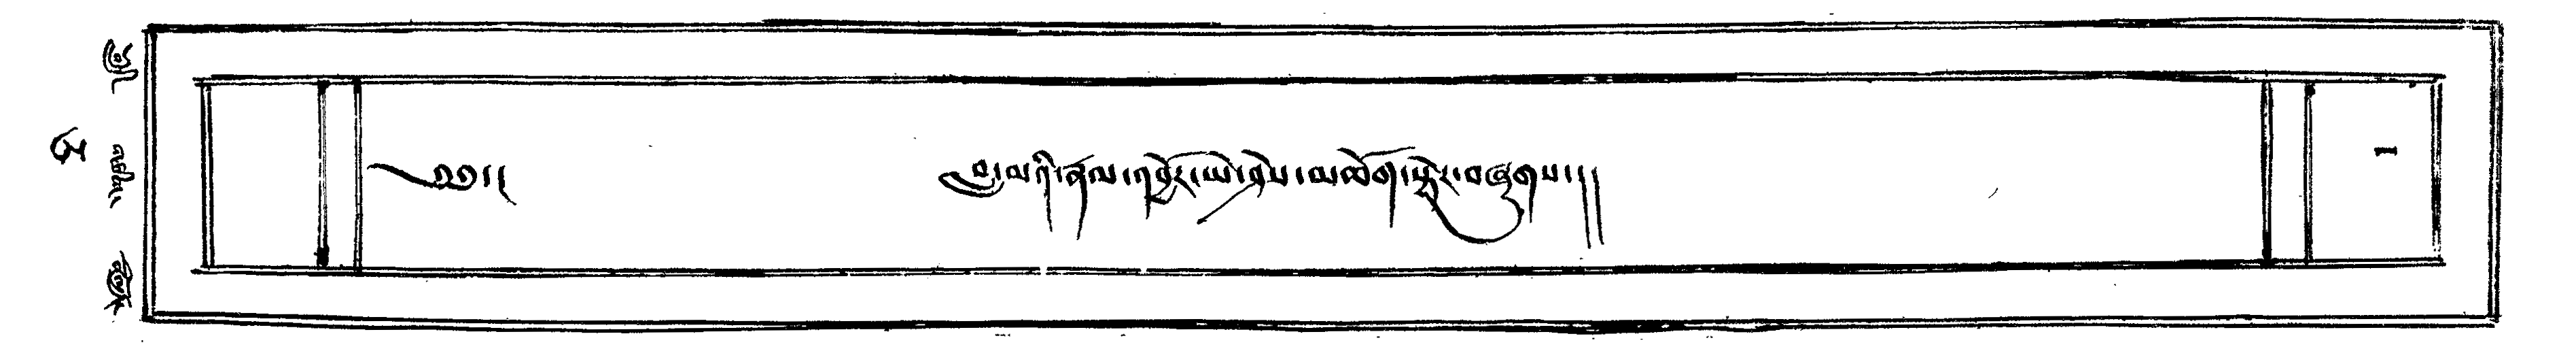༄༅། བླ་མའི་རྣལ་འབྱོར་ཡེ་ཤེས་མཆོག་སྟེར་བཞུགས།།